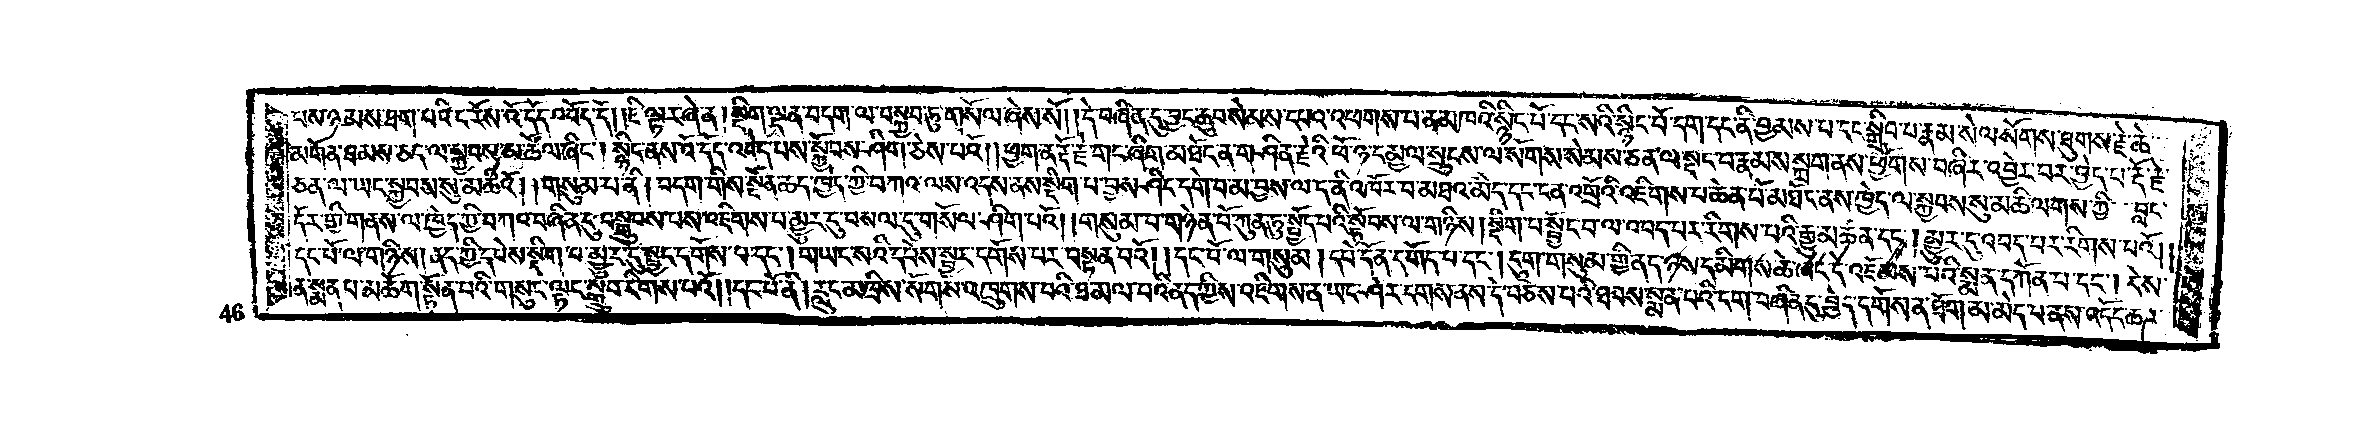པས་ཉམས་ཐག་པའི་ང་རོས་འོ་དོད་འབོད་དོ། །ཇི་ལྟར་ཞེ་ན། སྡིག་ལྡན་བདག་ལ་བསྐྱབ་ཏུ་གསོལ་ཞེས་སོ། །དེ་བཞིན་དུ་བྱང་ཆུབ་སེམས་དཔའ་འཕགས་པ་ནམ་མཁའི་སྙིང་པོ་དང་སའི་སྙིང་པོ་དག་དང་ནི་བྱམས་པ་དང་སྒྲིབ་པ་རྣམ་སེལ་སོགས་ཐུགས་རྗེ་ཆེ་
མགོན་ཐམས་ཅད་ལ་སྐྱབས་མ་ཚོལ་ཞིང་། སྙིང་ནས་འོ་དོད་འབེད་པས་སྐྱབས་ཤིག་ཅེས་པའོ། །ཕྱག་ན་རྡོ་རྗེ་གང་ཞིག་མཐོང་ན་གཤིན་རྗེའི་ཕོ་ཉ་དམྱལ་སྲུངས་ལ་སོགས་སེམས་ཅན་ལ་སྡང་བ་རྣམས་སྐྲག་ནས་ཕྱོགས་བཞིར་འབྱེར་པར་བྱེད་པ་རྡོ་རྗེ་
ཅན་ལ་ཡང་སྐྱབས་སུ་མཆིའོ། །གསུམ་པ་ནི། བདག་གིས་སྔོན་ཆད་ཁྱེད་ཀྱི་བཀའ་ལས་འདས་ནས་སྡིག་པ་བྱས་ཤིང་དགེ་བ་མ་བྱས་ལ་ད་ནི་འཁོར་བ་མཐའ་མིད་དང་ངན་འགྲོའི་འཇིགས་པ་ཆེན་པོ་མཐོང་ནས་ཁྱེད་ལ་སྐྱབས་སུ་མཆི་ལགས་ཀྱི་བླང་
དོར་གྱི་གནས་ལ་ཁྱེད་ཀྱི་བཀའ་བཞིན་དུ་བསྒྲུབས་པས་འཇིགས་པ་མྱུར་དུ་བསལ་དུ་གསོལ་ཤིག་པའོ། །གསུམ་པ་གཉེན་པོ་ཀུན་ཏུ་སྤྱོད་པའི་སྟོབས་ལ་གཉིས། སྡིག་པ་སྦྱོང་བ་ལ་འབད་པར་རིགས་པའི་རྒྱུ་མཚན་དང་། མྱུར་དུ་འབད་པར་རིགས་པའོ། །
དང་པོ་ལ་གཉིས། ནད་ཀྱི་དཔེས་སྡིག་པ་མྱུར་དུ་སྦྱང་དགོས་པ་དང་། གཡང་སའི་དཔེས་སྦྱར་དགོས་པར་བསྟན་པའོ། །དང་པོ་ལ་གསུམ། དཔེ་དོན་དགོད་པ་དང་། དུག་གསུམ་གྱི་ནད་ཉས་དམིགས་ཆེ་ཞིང་དེ་འཇོམས་པའི་སྨན་དཀོན་པ་དང་། དེས་
ན་སྨན་པ་མཆོག་སྟོན་པའི་གསུང་ལྟར་སྒྲུབ་རིགས་པའོ། །དང་པོ་ནི། རླུང་མཁྲིས་སོགས་འཁྲུགས་པའི་ཐ་མལ་པའི་ནད་ཀྱིས་འཇིགས་ན་ཡང་ཤེར་དགས་ནས་དེ་བཅས་པའི་ཐབས་སྨན་པའི་ངག་བཞིན་དུ་བྱེད་དོགས་ན་ཐོག་མ་མེད་པ་ནས་འོད་ཆགས་